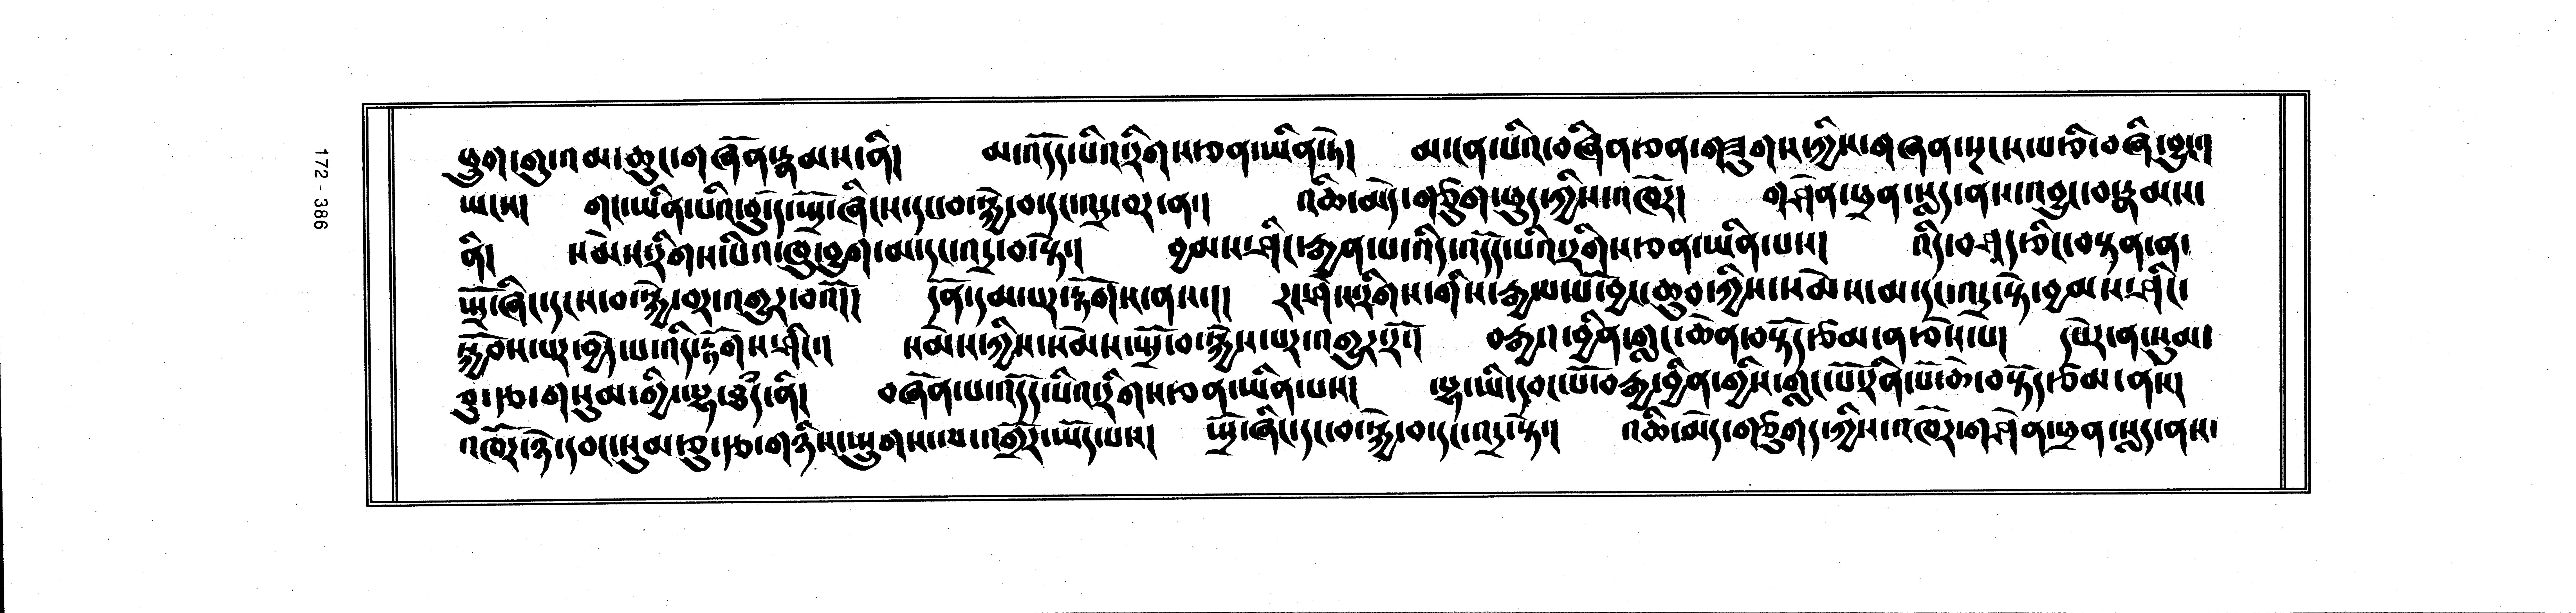ཕྲུག་གུ་འམ་ཆུང་གཞོན་རྣམས་ནི། མ་འདོད་པའི་རིགས་ཅན་ཡིན་ཏེ། མ་ངན་པའི་བཞིན་ཅན་གཟུགས་ཀྱིས་གཞན་སྲངས་པ་ཅི་བཞི་བྱུང་
ཡང་། གང་ཡིན་པའི་བུ་དེ་སྤྲོ་ཞིང་དྭངས་བ་སྐྱེ་བ་དང་འདྲ་བར་ན། འཆི་མེད་གཙུག་ཕུད་ཀྱིས་འཁོར། གཤེན་ཕྲན་སླད་ནས་འབྱུང་བ་རྣམས་
ནི། སེམས་རིག་པའི་ཁུ་བྱུག་མ་དང་འདྲ་བ་སྟེ། བྱམས་ཤིང་རྒྱན་པ་འདི་འདོད་པའི་རིགས་ཅན་ཡིན་པས། འདི་བཤད་ཅིང་བསྟན་ན་
སྤྲོ་ཞིང་དྭངས་བ་སྐྱེ་བར་འགྱུར་བའོ། དོན་དམ་པར་རྟོགས་ནས། རང་ཤེས་རིགས་གིས་རྒྱལ་པོ་བྱང་ཆུབ་ཀྱིས་སེམས་མ་དང་འདྲ་སྟེ་བྱམས་ཤིང་
སྐྱོབས་པར་བྱེད་པ་འདི་རྟོགས་ཤིང་། སེམས་ཀྱིས་སེམས་སྤྲོ་བ་སྐྱེས་པར་འགྱུར་རོ། བརྒྱའ་བྱིན་གླང་ཆེན་བསྟོད་ཙམ་ན་ཅེས་པ། དཔེར་ན་སུམ་
ཅུ་རྩ་གསུམ་གྱི་ལྷ་ཐམས་ཅད་ནི། བཞོན་པ་འདོད་པའི་རིགས་ཅན་ཡིན་པས། ལྷ་ཡི་དབང་པོ་བརྒྱ་བྱིན་གྱིས་གླང་པོ་རིན་པོ་ཆེ་བསྟོད་ཙམ་ནས། 
འཁོར་ཉེ་དབང་སུམ་རྩ་གཉིས་སྤྲུགས་ལ་འགྲོར་ཡོད་པས། སྤྲོ་ཞིང་དྭངས་བ་སྐྱེ་བ་དང་འདྲ་སྟེ། འཆི་མེད་གཙུག་ཕུད་ཀྱིས་འཁོར་གཤེན་ཕྲན་སླད་ནས་